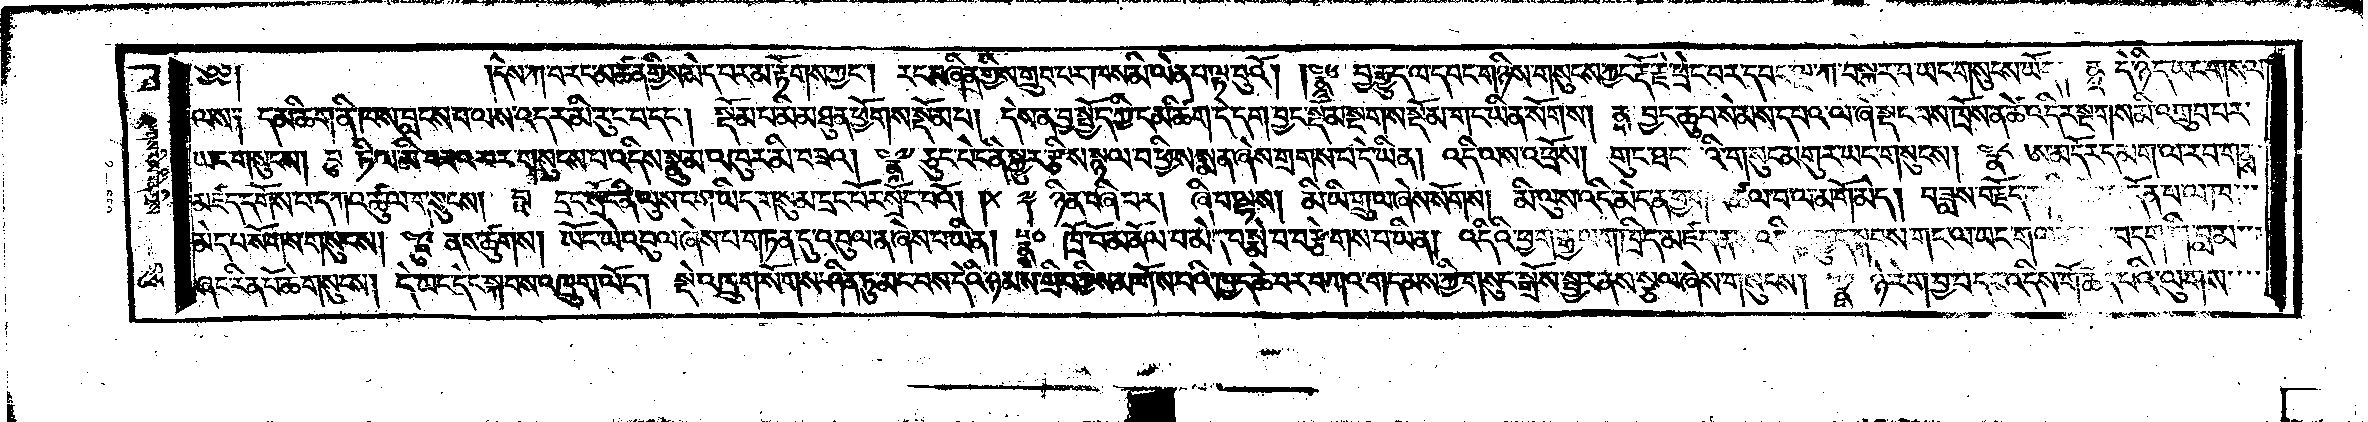༄༅། །དེས་ཀ་བ་རང་མཚན་གྱིས་མེད་པར་མ་རྟོགས་ཀྱང་། རང་བཞིན་གྱིས་གྲུབ་པར་ཁས་མེ་ལེན་པ་ལྟ་བུའོ། །༤༦ན༢་བྱ་རྒྱུད་ལ་དབང་གཉིས་གསུངས་ཀྱང་རྡོ་རྗེ་ཕྲེང་བར་དབང་ལྔ་ཀ་བསྐུར་བ་ཡང་གསུངས་ཡོད། ན༣་དེ་ཉིད་ཡང་གསལ་
ལས༑ དམ་ཚིག་ནི་ཁས་བླངས་པ་ལས་འདར་མི་རུང་བ་དང་། སྡོམ་པ་མི་མཐུན་ཕྱོགས་སྡོམ་པ། དེ་ན་བྱ་སྤྱོད་ཀྱི་དམ་ཚིག་དེ་དག་བྱང་སྡོམ་སྔགས་སྡོམ་གང་ཡིན་སོགས། ན༥་བྱང་ཆུབ་སེམས་དཔའ་ལ་ཞེ་སྣང་བས་ཁྲོས་ན་ཚེ་འདིར་སྔགས་མི་འགྲུབ་པར་
ཡང་གསུངས། བ༦་ཏི་ལ་མི་བཟའ་བར་གསུངས་པ་འདིས་སྣུམ་འཁུར་མི་བཟའ། ༤༧ན༡་ཅུང་པེང་ནི་སྐྱུར་རྩིས་སྙལ་བ་ཕྱིས་སྨན་ཞེས་གྲགས་པ་དེ་ཡིན། འདི་ལས་འཕྲོས། གུང་ཐང་པའི་གསུང་མགུར་ཡང་གསུངས། ༤༨ན་ཨ་མདོར་དམག་ལ་རབ་གནས་
མཛད་དགོས་པ་དཀའ་ཚུལ་གསུངས། བ༥་དྲང་སྲོང་ནི་ལུས་ངག་ཡིད་གསུམ་དྲང་པོར་སྲོང་བའོ། །྾་༈ ཉིན་བཞི་པར། ཞི་བ་ལྷས། མི་ཡི་གྲུ་ལ་ཞེས་སོགས། མི་ལུས་འདི་མེད་ན་ཕྱག་འཚལ་བ་ལ་མགོ་མེད། བཟླས་བརྗོད་མ་ཎི་ཙམ་འདོན་པ་ལ་ཁ་
མེད་པ་སོགས་གསུངས། ༤༩བ༦་ནས་ཚུགས། ཡོང་ཡེ་འབུལ་ཞེས་པ་གཏན་དུ་འབུལ་ན་ཞེས་པ་ཡིན། ༤༠ན་ཁྲོ་བོ་མ་ནོལ་བ་མེད་བ་སྨེ་བ་བརྩེགས་པ་ཡིན། འདིའི་ཕྱག་རྒྱ་ལག་ཁྲིད་མཛད་ནས་འདི་བྱ་རྒྱུད་སྐབས་གང་ལ་ཡང་གལ་ཆེ་བར་བདག་གི་བླ་མ་
ཞང་རིན་པ་ཆེ་གསུངས། དེ་ཡང་དེང་སྐབས་འཁྲུག་ལོང་། སྡེ་འཁྲུག་སོགས་ཤིན་ཏུ་མང་བས་དེའི་ཉམས་གྲིབ་ཀྱིས་མགོས་པའི་ཁྱད་ཆེ་བར་བཀའ་གདམས་ཀྱི་གསུང་སྒྲོས་སྦྱར་ནས་སྩལ་ཞེས་གསུངས། ༥༡ན༥་ཉེ་རེག་བྱ་བ་དང་འདིས་གོ་ཆོད་པའི་ལུགས་